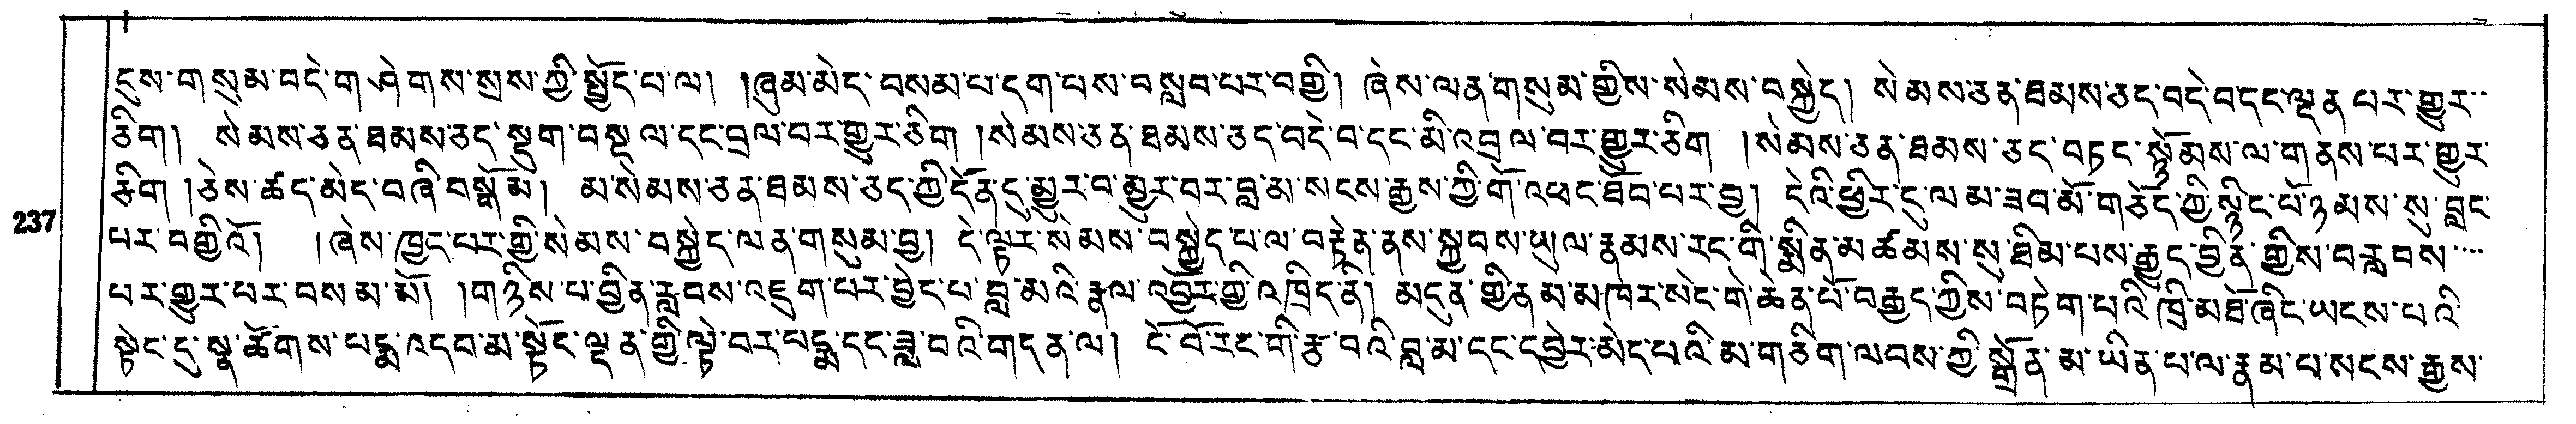དུས་གསུམ་བདེ་གཤེགས་སྲས་ཀྱི་སྤྱོད་པ་ལ། །ཞུམ་མེད་བསམ་པ་དག་པས་བསླབ་པར་བགྱི། ཞེས་ལན་གསུམ་གྱིས་སེམས་བསྐྱེད། སེམས་ཅན་ཐམས་ཅད་བདེ་བ་དང་ལྡན་པར་གྱུར་
ཅིག །སེམས་ཅན་ཐམས་ཅད་སྡུག་བསྔལ་དང་བྲལ་བར་གྱུར་ཅིག །སེམས་ཅན་ཐམས་ཅད་བདེ་བ་དང་མི་འབྲལ་བར་གྱུར་ཅིག །སེམས་ཅན་ཐམས་ཅད་བཏང་སྙོམས་ལ་གནས་པར་གྱུར་
ཅིག །ཅེས་ཚད་མེད་བཞི་བསྒོམ། མ་སེམས་ཅན་ཐམས་ཅད་ཀྱི་དོན་དུ་མྱུར་བ་མྱུར་བར་བླ་མ་སངས་རྒྱས་ཀྱི་གོ་འཕང་ཐོབ་པར་བྱ། དེའི་ཕྱིར་དུ་ལམ་ཟབ་མོ་གཅོད་ཀྱི་སྙིང་པོ་ཉམས་སུ་བླང་
པར་བགྱིའོ། །ཞེས་ཁྱད་པར་གྱི་སེམས་བསྐྱེད་ལན་གསུམ་བྱ། དེ་ལྟར་སེམས་བསྐྱེད་པ་ལ་བརྟེན་ནས་སྐྱབས་ཡུལ་རྣམས་རང་གི་སྨིན་མཚམས་སུ་ཐིམ་པས་རྒྱུད་བྱིན་གྱིས་བརླབས་
པར་གྱུར་པར་བསམ་མོ། །གཉིས་པ་བྱིན་རླབས་འཇུག་པར་བྱེད་པ་བླ་མའི་རྣལ་འབྱོར་གྱི་འཁྲིད་ནི། མདུན་གྱི་ནམ་མཁར་སེང་གེ་ཆེན་པོ་བརྒྱད་ཀྱིས་བཏེག་པའི་ཁྲི་མཐོ་ཞིང་ཡངས་པའི་
སྟེང་དུ་སྣ་ཚོགས་པདམ་འདབ་མ་སྟོང་ལྡན་གྱི་ལྟེ་བར་པདམ་དང་ཟླ་བའི་གདན་ལ། ངོ་བོ་རང་གི་རྩ་བའི་བླ་མ་དང་དབྱེར་མེད་པའི་མ་གཅིག་ལབས་ཀྱི་སྒྲོན་མ་ཡིན་པ་ལ་རྣམ་པ་སངས་རྒྱས་